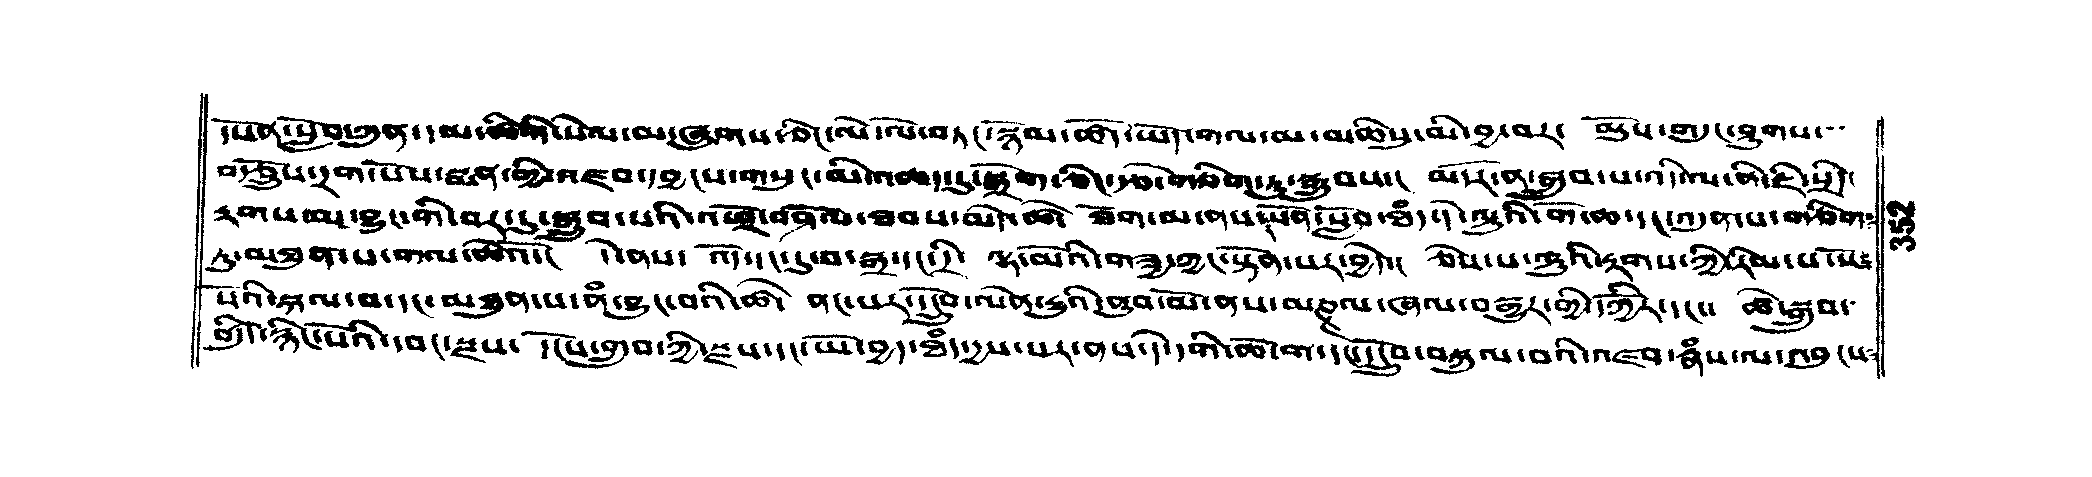དཔོན་སློབ་ཀུན་དམ་ཚིག་གི་སེལ་མ་ཞུགས་ཅིང་ལེ་ལོ་བཏང་སྙོམ་ཚོད་ཡོད་གལ་མ་མཆིས་སུ་མི་བྱ་བར། མུ་གོས་གདུང་ཤུགས་
བརྩོན་གྲུས་དྲག་པོས་སྨན་གྱི་འཛབ་དབྱངས་གསུང་མི་འཆད་དུ་སྒྲོག་ཅིང་རྩེ་གཅིག་ཏུ་སྒྲུབས། མདོར་ན་སྒྲུབ་པ་འདི་ལ་ནི་ཇི་སྲིད་
རྟགས་མ་བྱུང་གི་བར་དུ་སྒྲུབ་པའི་འཕྲོ་བཤེལ་ཐབས་མེད་ཚེ། ཐོག་མ་ནས་དཔོན་སློབ་ཐམས་ཅད་དེ་ལྟ་བུའི་གོ་ཆ་དང་འདུན་པ་གཅིག་
ཏུ་མཐུན་པ་གལ་ཆེའོ། དེ་ནས། འོད་དང་དུ་བ་སྒྲ་དང་དྲི། ལྷ་མོའི་གཟུགས་ཀྱང་སྟོན་པར་བྱེད། ཅེས་པ་ལྟ་བུའི་རྟགས་ཀྱི་རིམ་པ་སོ་
སོའི་སྐལ་བ་དང་མཐུན་པ་ནཾ་བྱུང་བའི་ཚེ། ནང་པར་དངོས་གྲུབ་ལེན་རྒྱུའི་ནུབ་མོ་ནས་མཎྜལ་ཞལ་བསྒྱུར་གྱི་དཀྱིལ་འཁོར་དང་། ཚེ་སྒྲུབ་
བདུད་རྩི་སྙིང་པོའི་དབང་རྫས། དངོས་གྲུབ་ཀྱི་རྫས་དང་ཡོ་བྱད་ཐམས་ཅད་རྒྱས་པར་ནས་དེ་དག་གི་ཆོ་ག་དང་དངོས་གྲུབ་བསྐུལ་བའི་འཛབ་རྣམས་ལ་འབུངས་